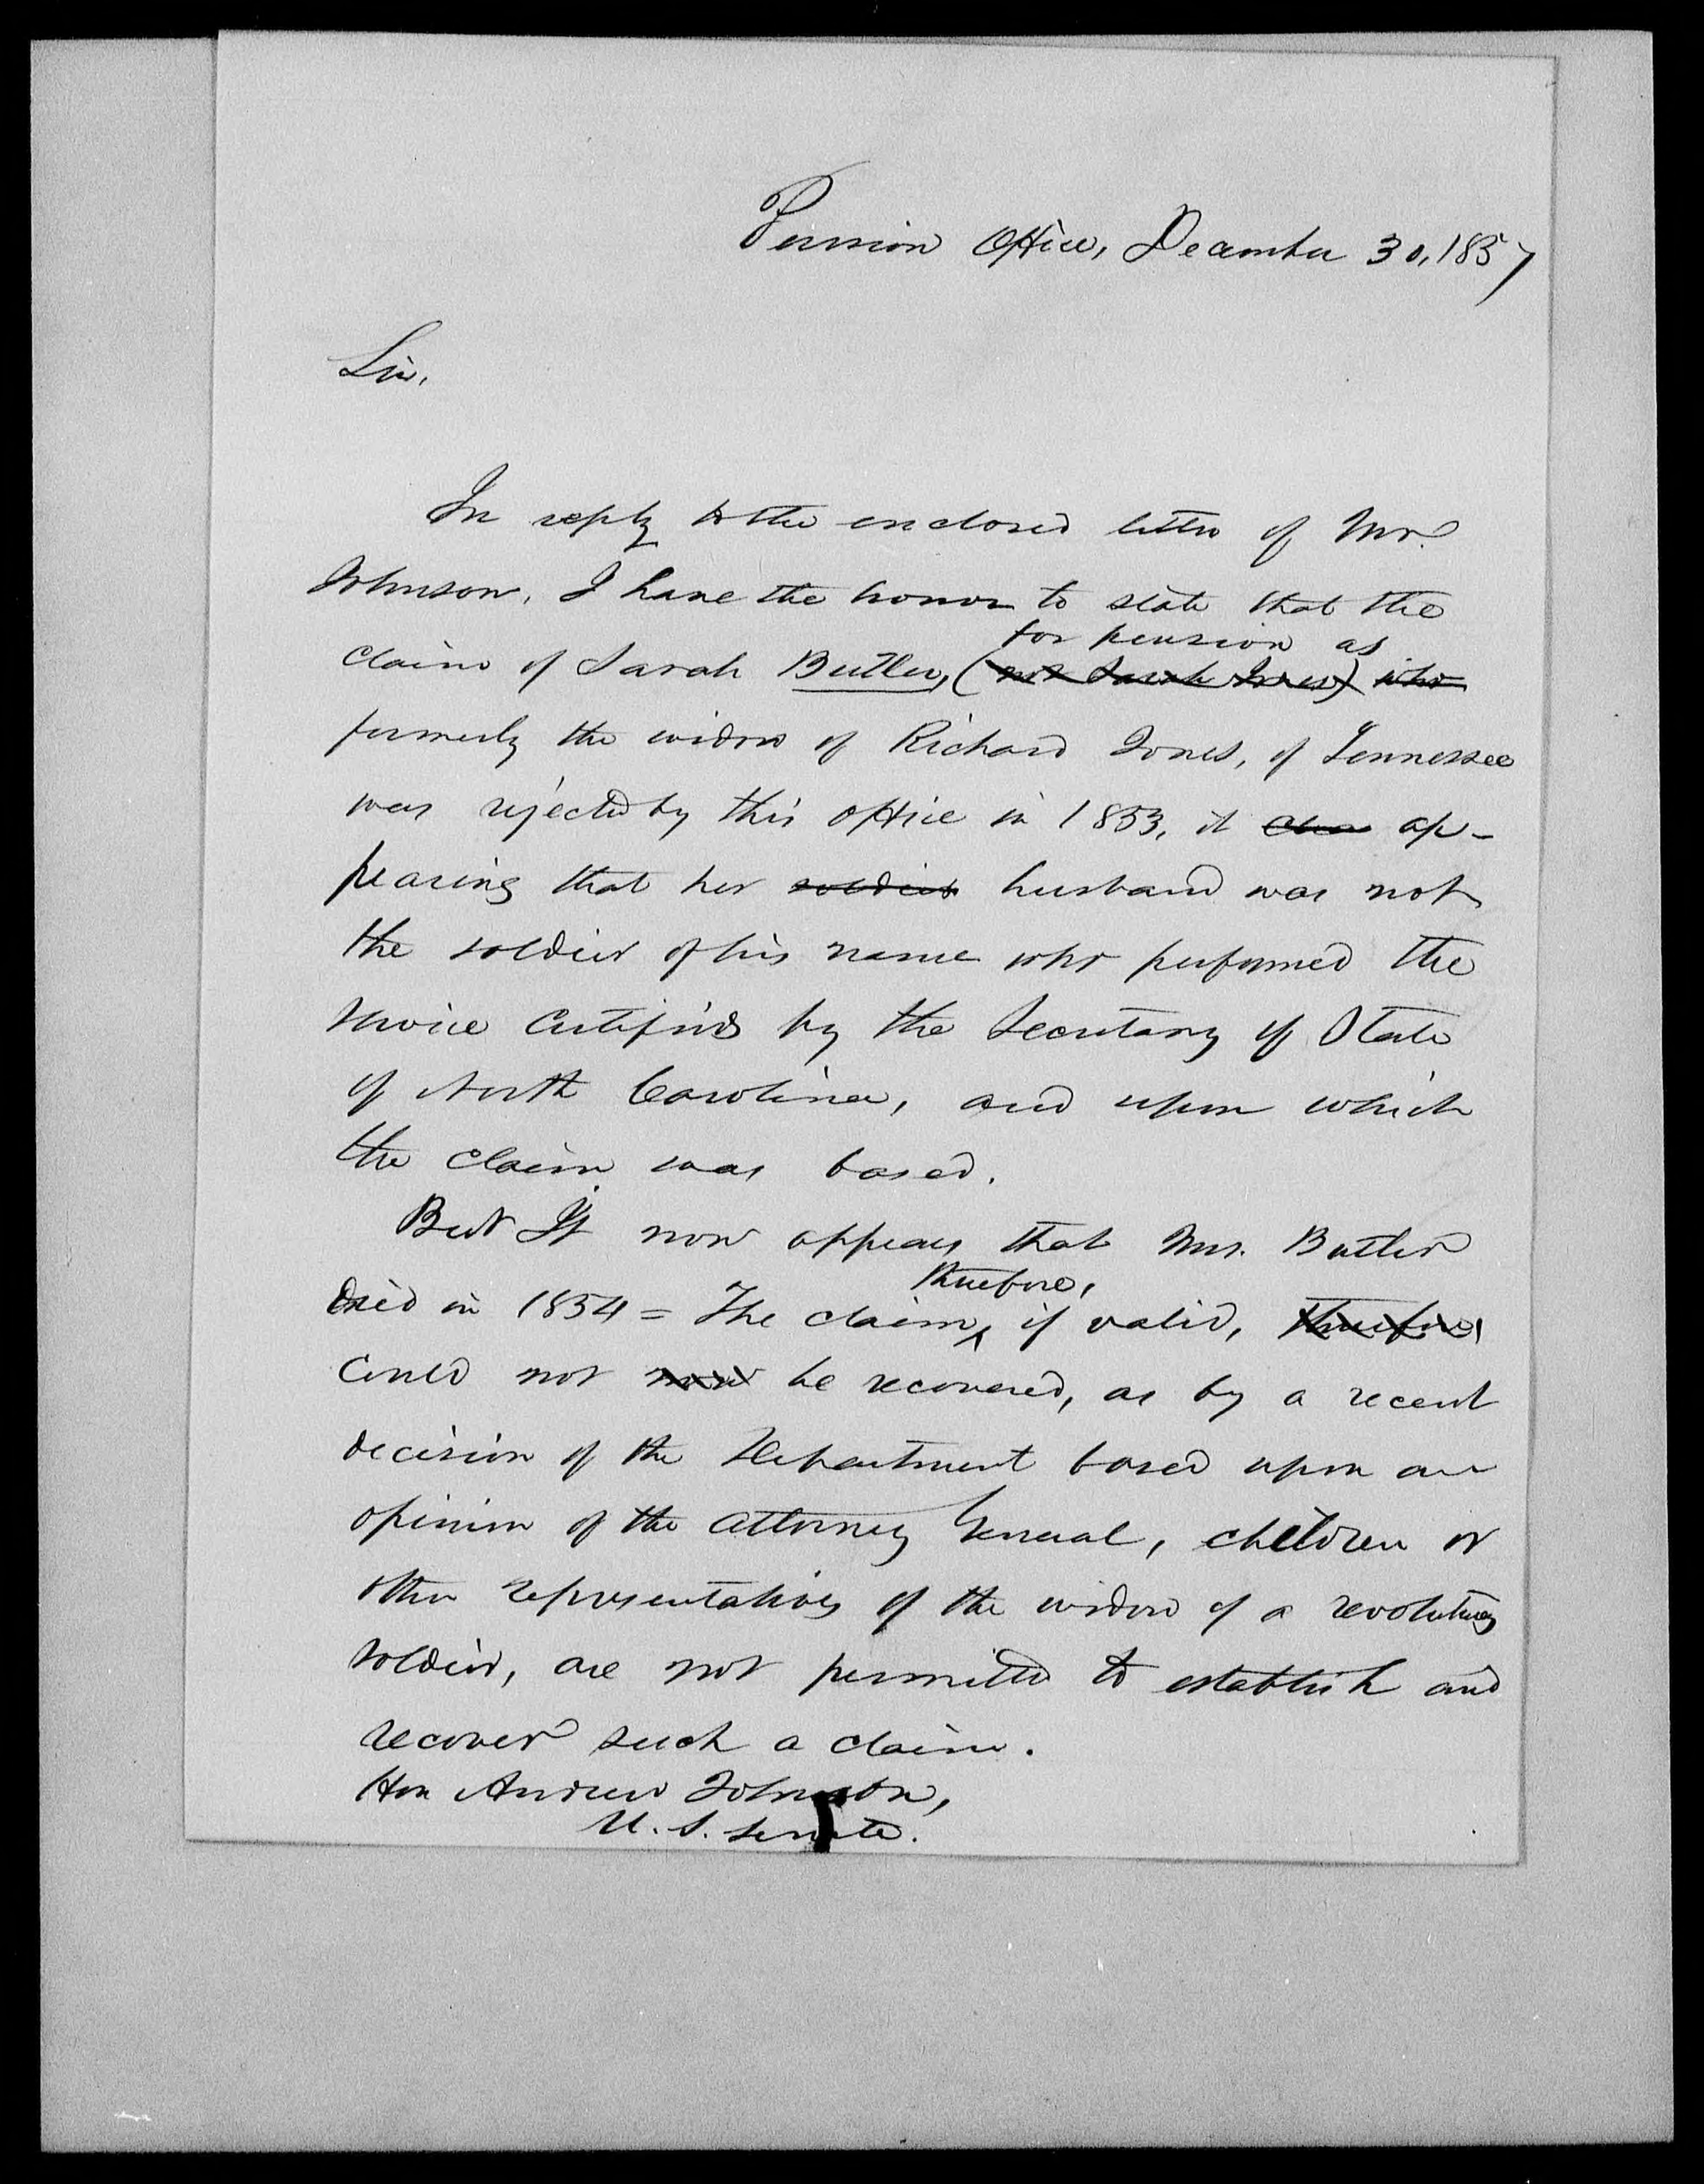Pension Office, December 30, 1837

Sir,

In copy to the enclosed letters of Mr. 
Johnson, I have the honor to state that the 
claims of Sarah Butler for pension as
formerly the widow of Richard Jones, of Tennessee 
was rejected by this office in 1833, it appearing that her husband was not 
the soldier of his name who performed the service certified by the Secretary of State 
of North Carolina, and upon which 
the claim was based.
But It now appears that Mrs. Butler 
died in 1854 - The claim therefore if valid, could not be recovered, as by a recent 
decision of the Department based upon an 
opinion of the Attorney General, children or 
other representatives of the widow of a revolutionary 
soldier, are not permitted to establish and 
recover such a claim.

Hon Andrew Johnson
U. S. Senate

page: 2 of 33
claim: rejected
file: R. 1554, for Richard Jones, North Carolina